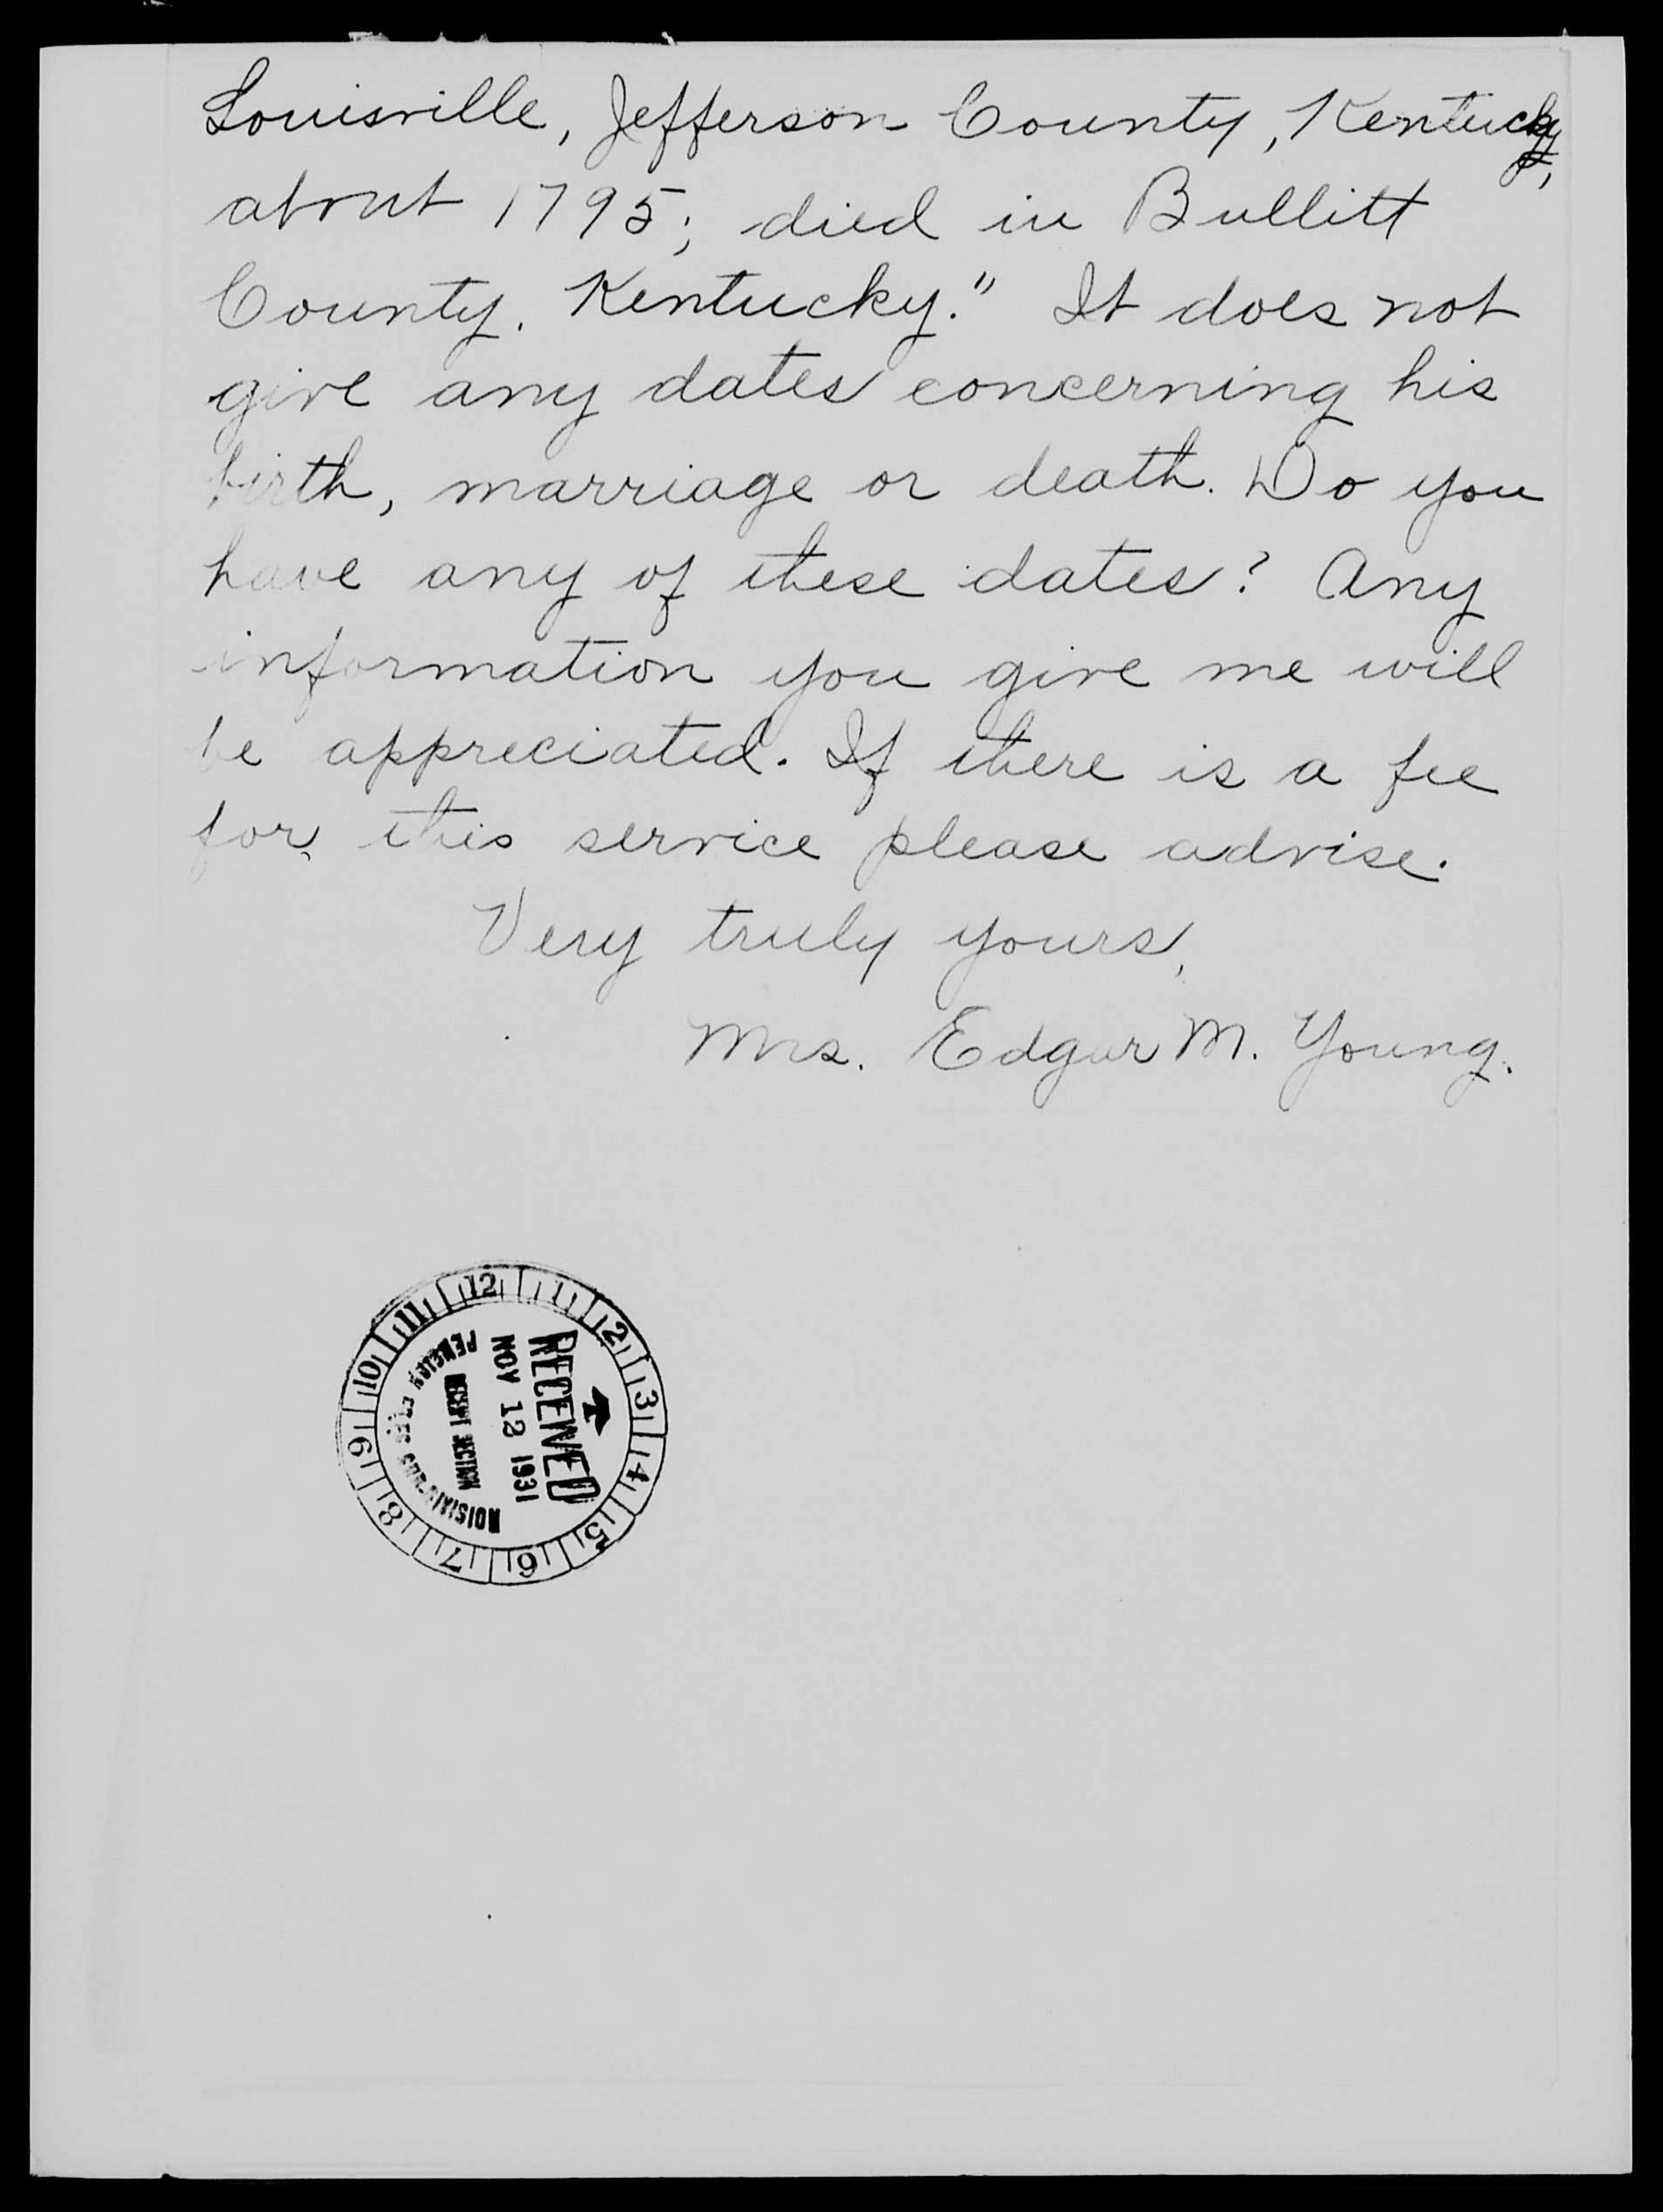Louisville, Jefferson County, Kentucky about 1795, died in Bullitt County, Kentucky." It does not give any dates concerning his birth, marriage or death. Do you have any of these dates? Any information you give me will be appreciated. If there is a fee for this service please advise. 
Very truly yours, 
Mrs. Edgar M. Young
RECEIVED NOV 12 1931 RECEIPT SECTION PENSION FILES SUB-DIVISION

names: Edgar M Young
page: 19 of 26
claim: survivor's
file: S.1,166, Lawrence Bishop, Penn.